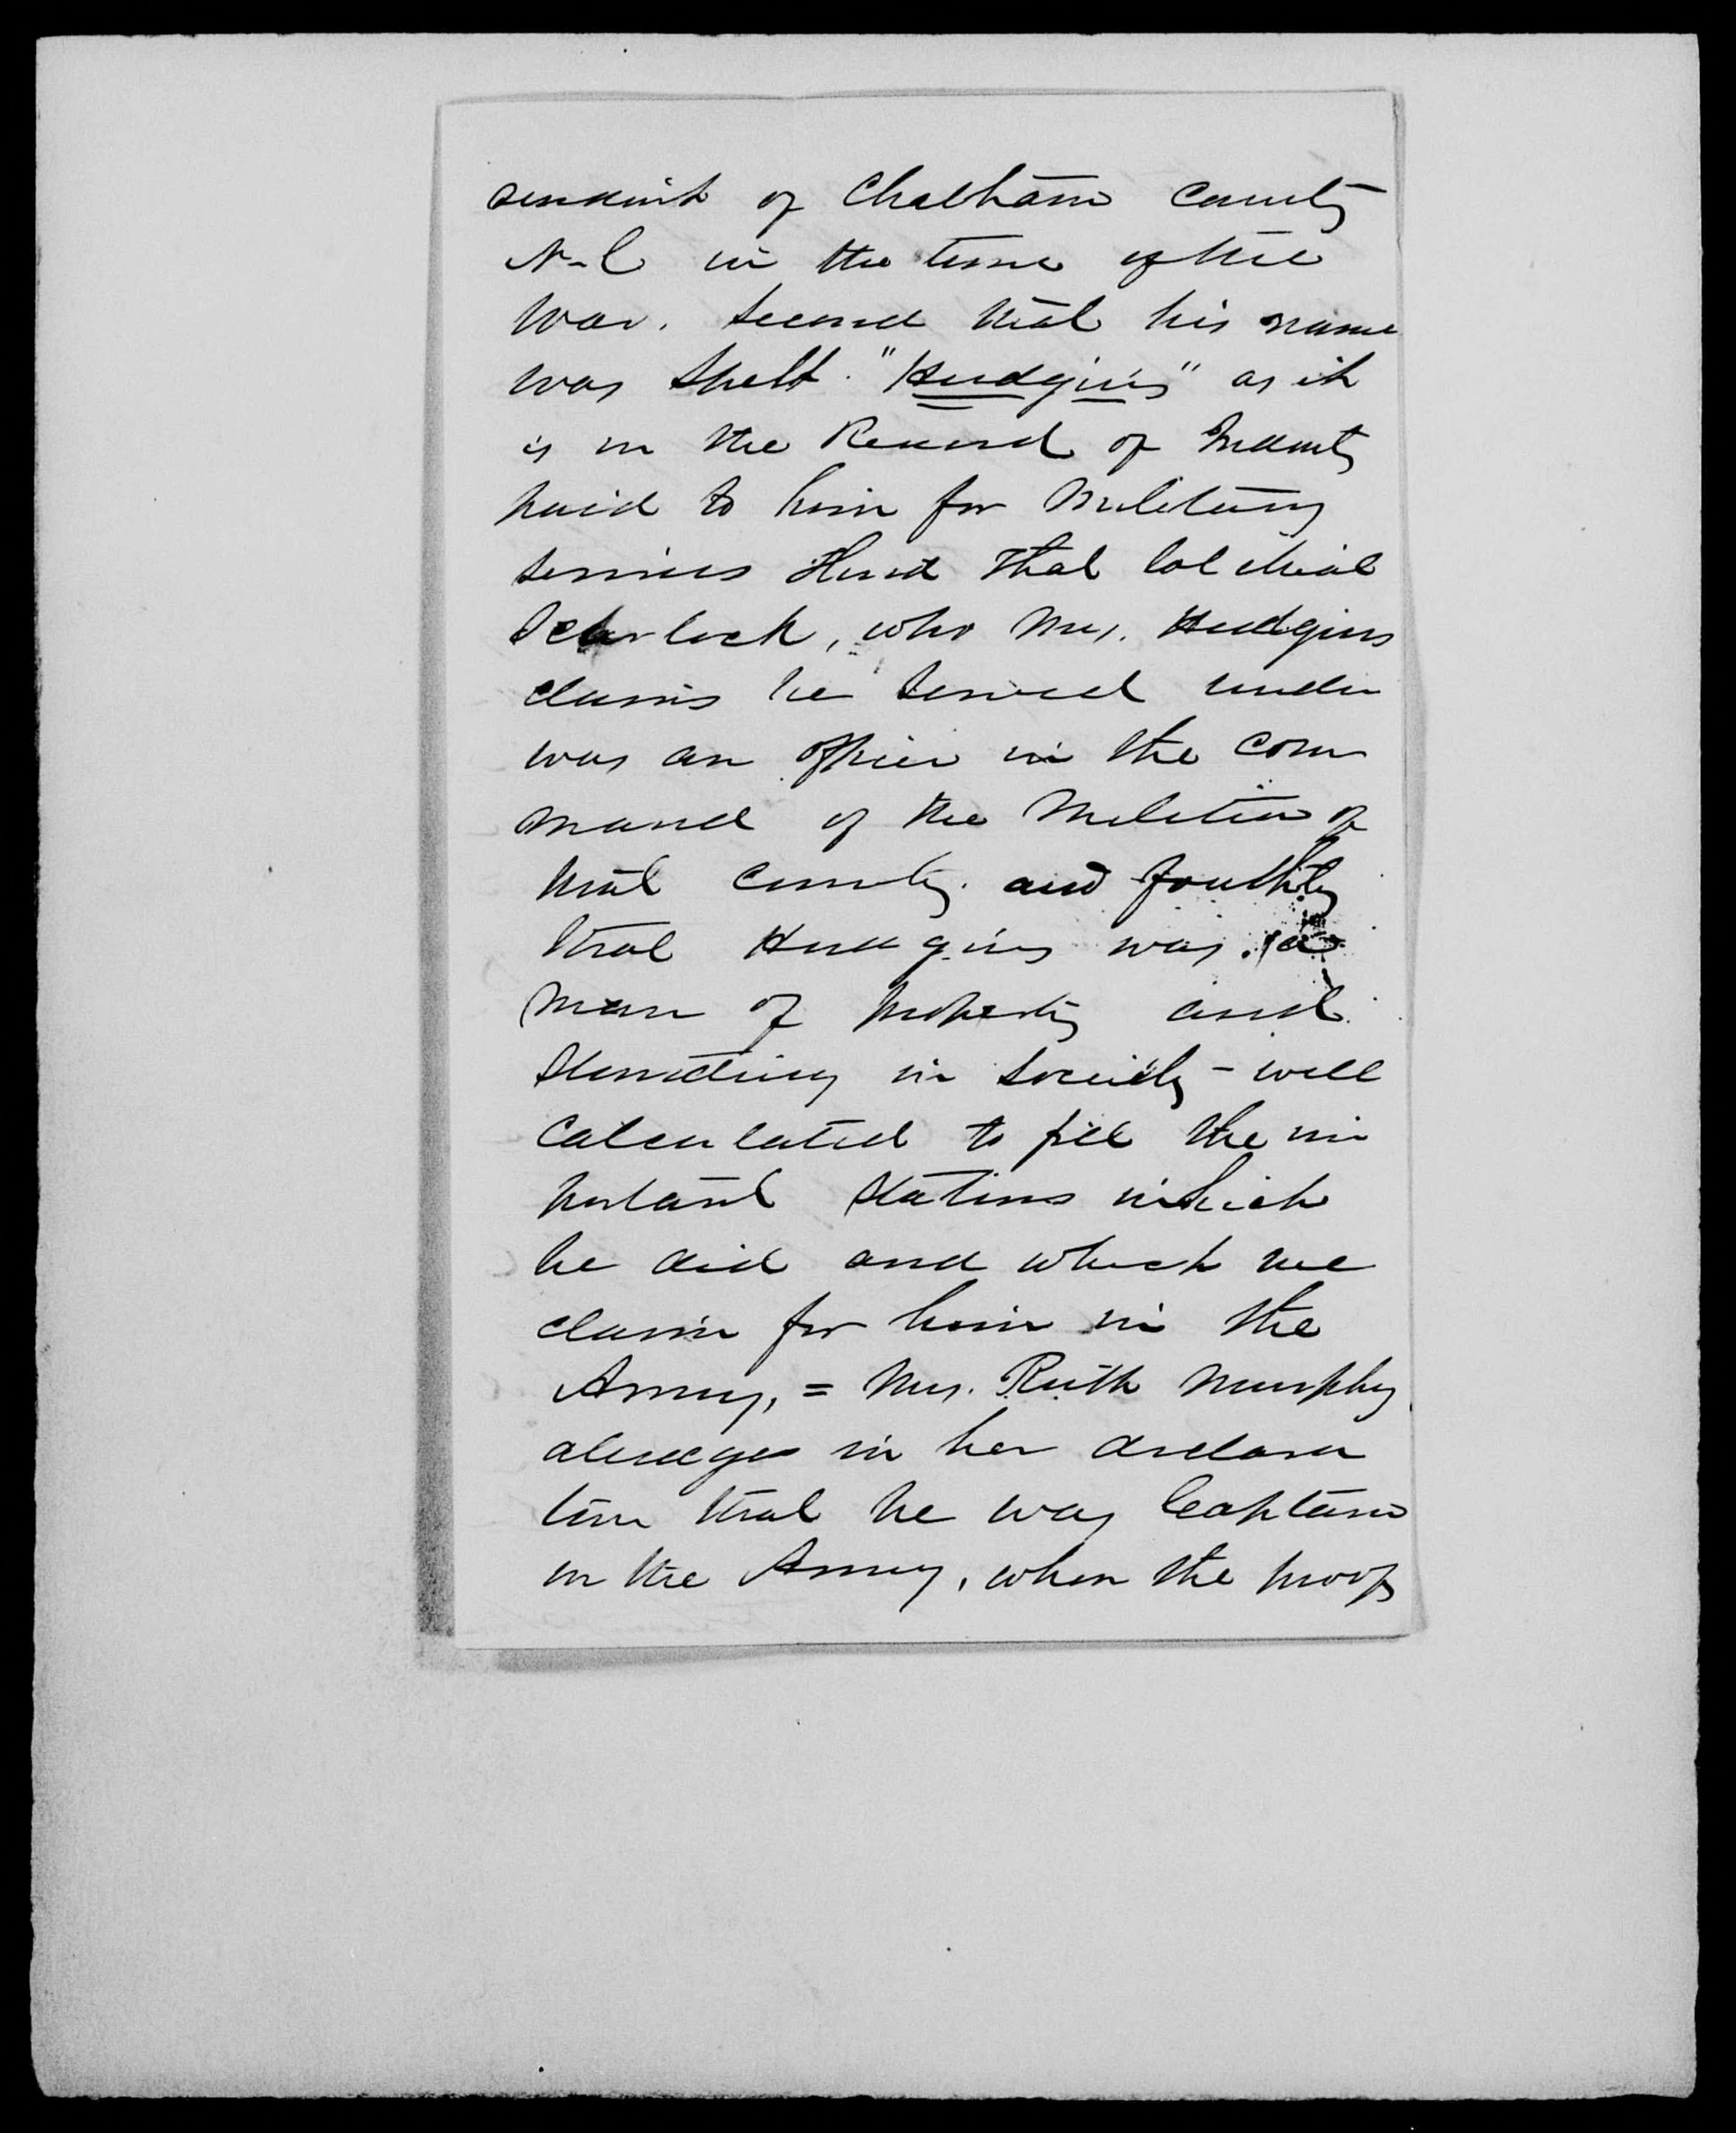Resident of Chatham County N.C in the time of the war. Second with his name was Shell Hudgins (underlined twice) as it is in the record of (not legible) said to him for military (not legible) that Colonial Icenlock, who Mr. Hudgins claims he served under was an officer in the command of the militia of that county and fourthly, that Hudgins was a man of integrity and standing in society - well calculated to (this whole sentence 5 words, were impossible to even make an educated guess) which he said and which we claim for him the army -Mrs Ruth Murphy alleges in her declaration that he was Captain in the Army, when the troops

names: Mial Scurlock, Hudgins, Ruth Murphy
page: 24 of 108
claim: rejected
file: R. 7,515, John Hudgins, N.C.